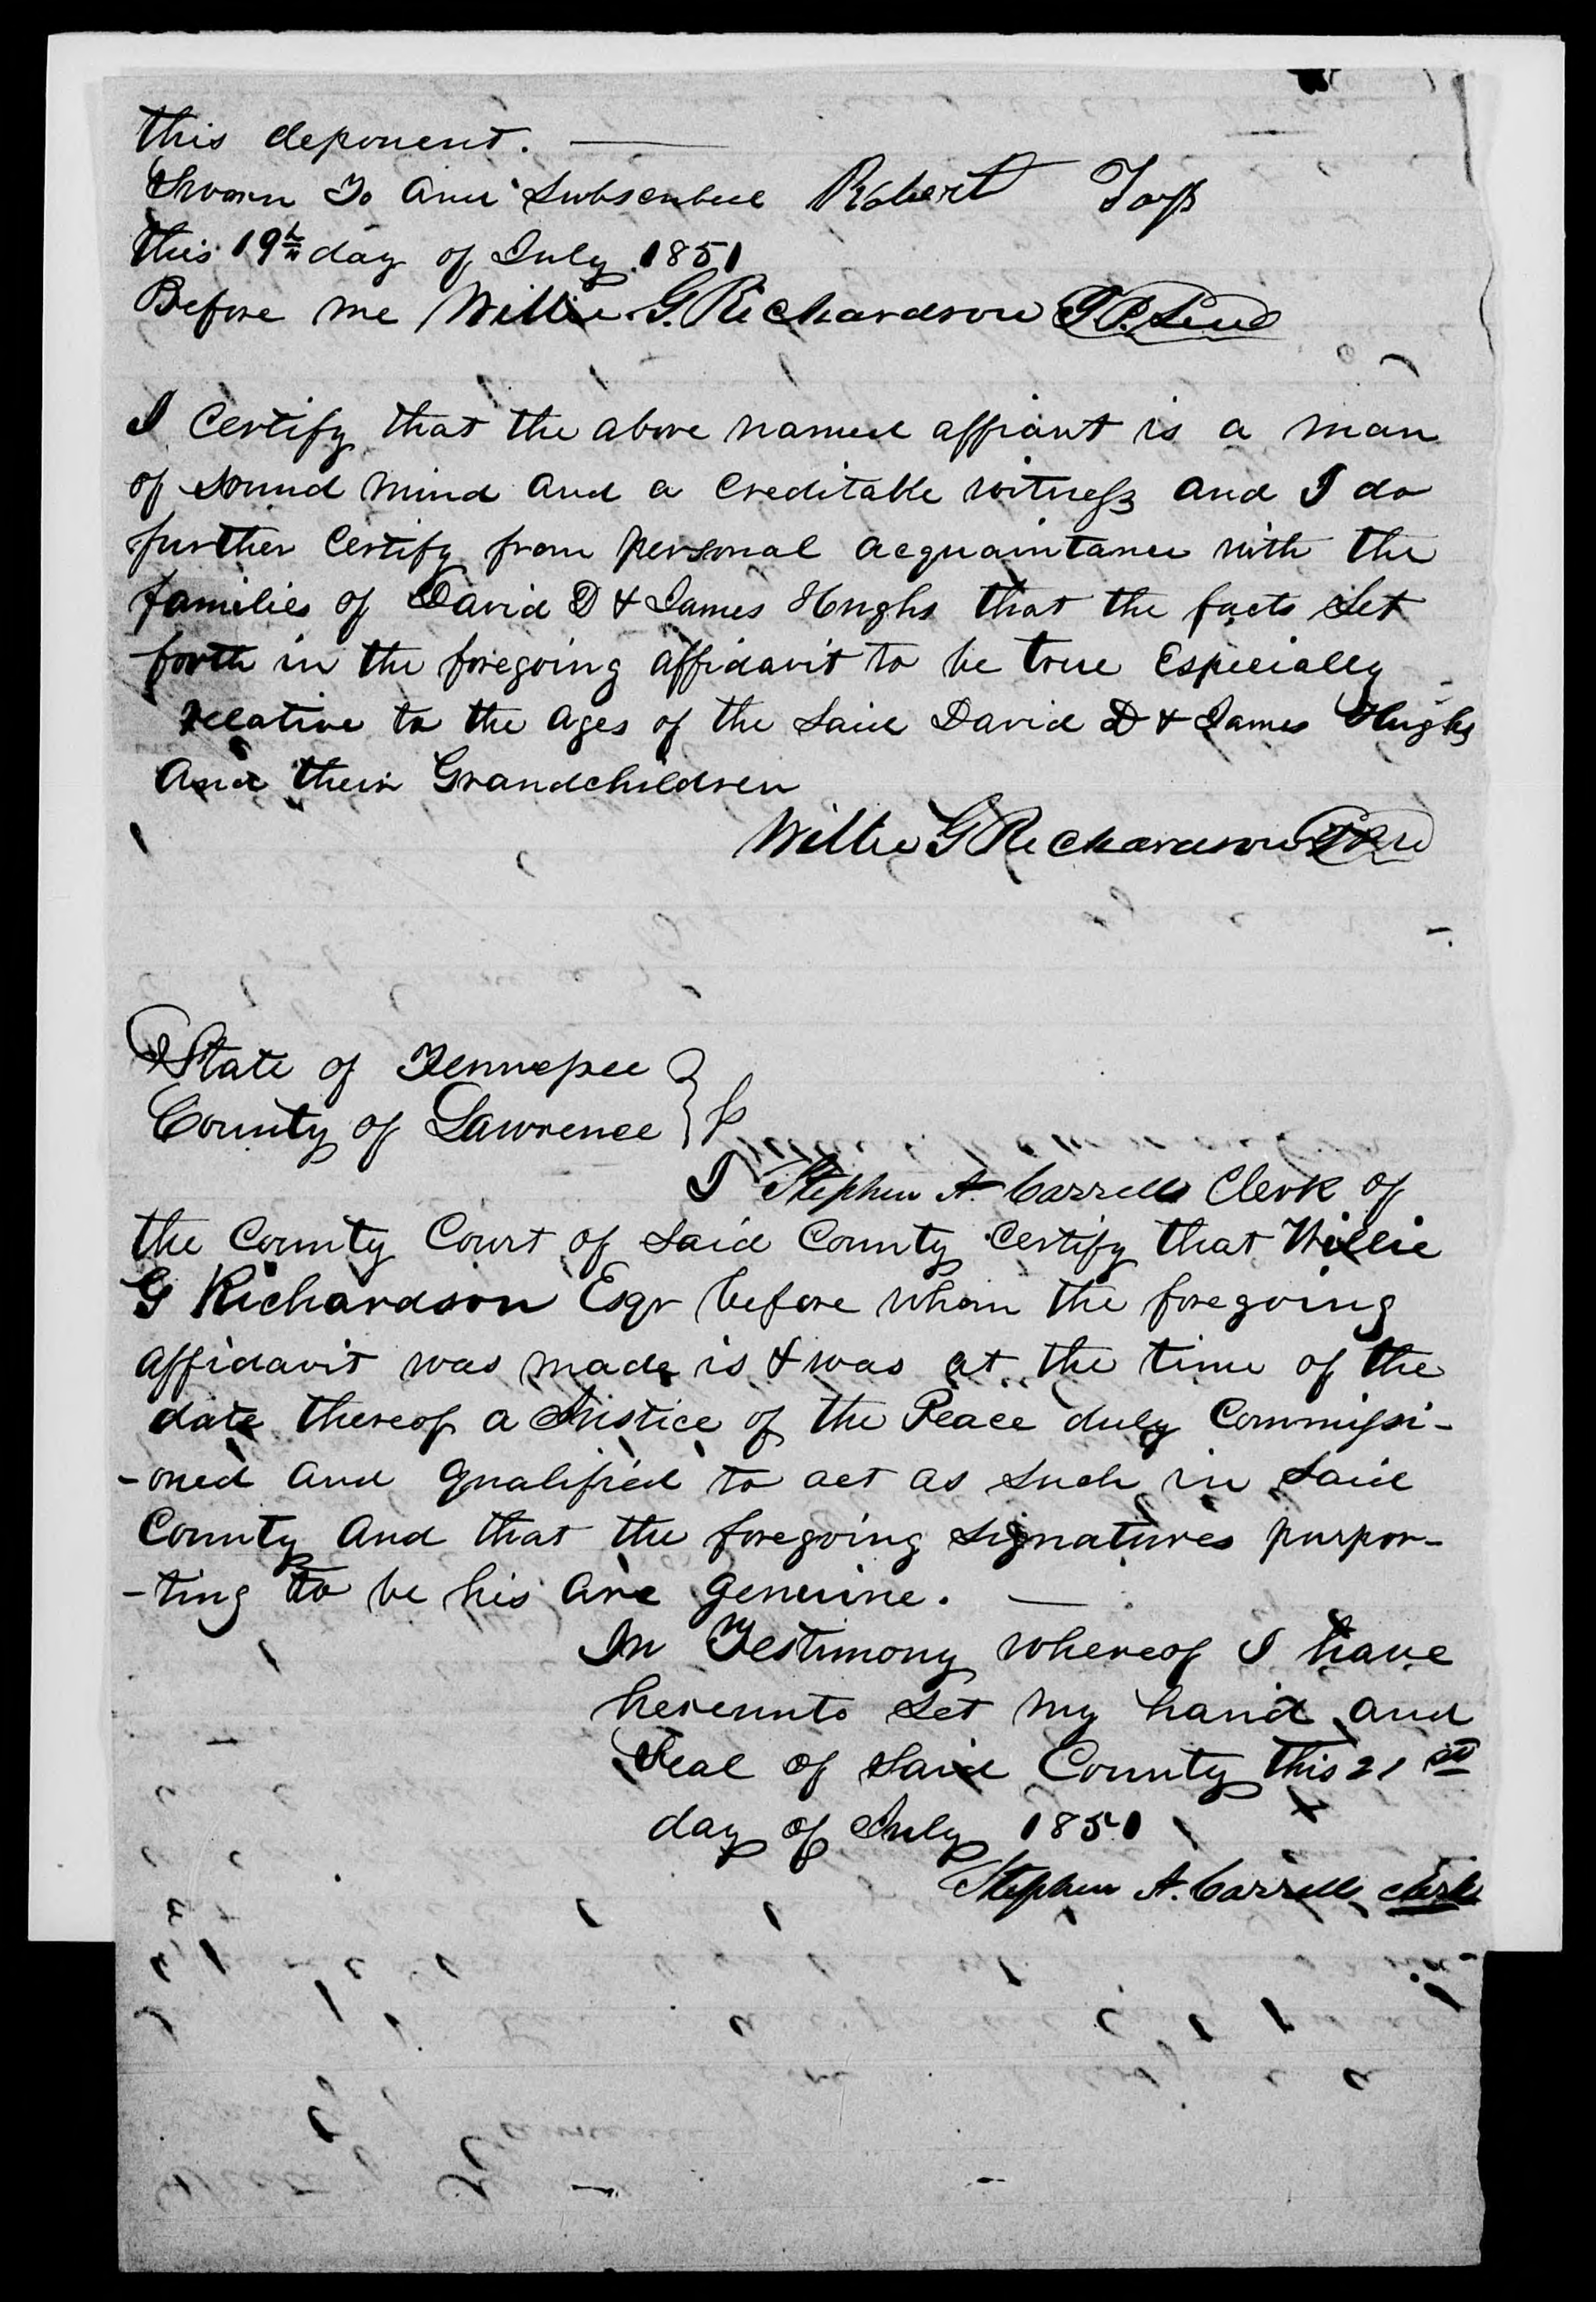the deponent.
Sworn to and subscribed               Robert Hays
this 19th day of July, 1851
Before me Willie G. Richardson J. Peace

I certify that the above named affiant is a man of sound mind and a creditable witness and I do further certify from personal acquaintance with the families of David D & James Hughs that the facts set forth in the foregoing affidavit to be true. Especially relative to the ages of the said David D & James Hughs and their grandchildren.
Willie G. Richardson JPeace

State of Tennessee
County of Lawrence

I Stephen A. Garrell Clerk of Court of said County certify that Willie G. Richardson Esqr before whom the foregoing affidavit was made is & was at time of the date thereof a Justice of the Peace duly commissioned and qualified to act as such in said County and that the foregoing signatures purporting to be his are genuine.

In testimony whereof I have hereunto set my hand and seal of said County this 21st day of July 1851
Stephen A. Garrell, Clerk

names: James Hughs, David D Hughs, Robert Tays, Stephen A Carrell, Willie G Richardson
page: 11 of 24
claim: rejected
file: R. 5342, James Hues, N.C.